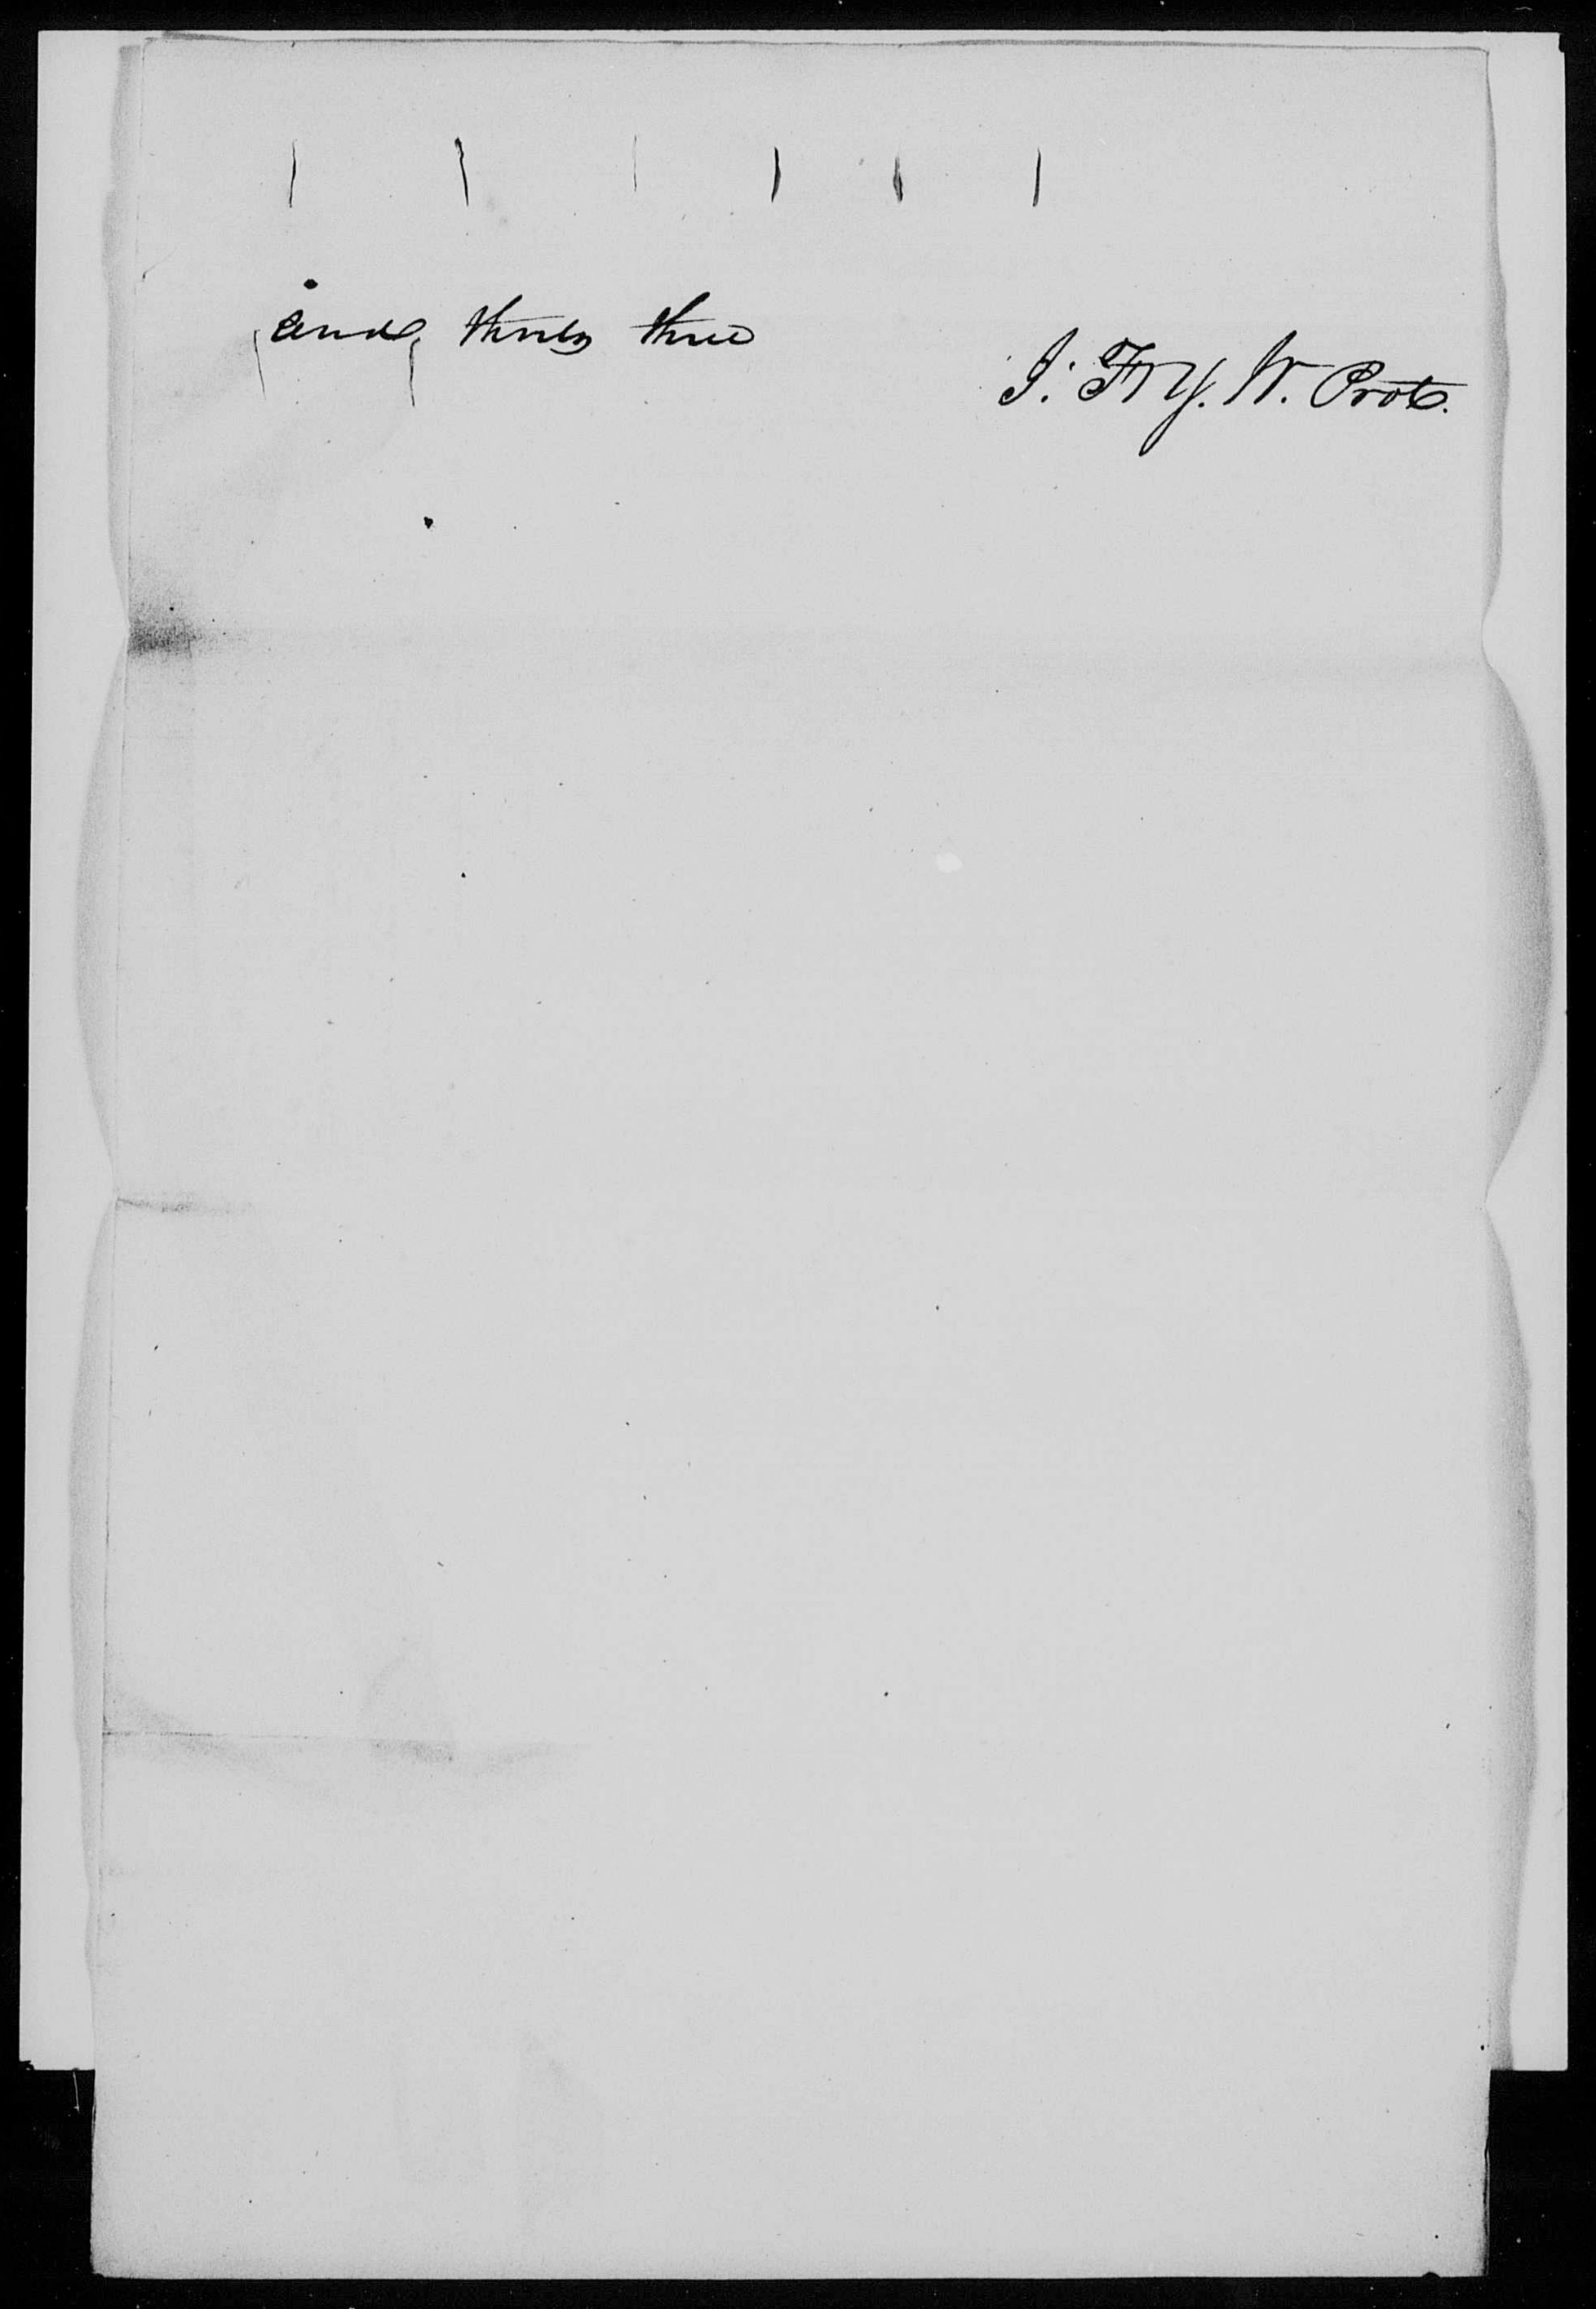and thirty three

J. Fry. Jr. Prot.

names: J Fry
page: 14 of 29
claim: survivor's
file: S. 23618, Philip Emerick, Penn.